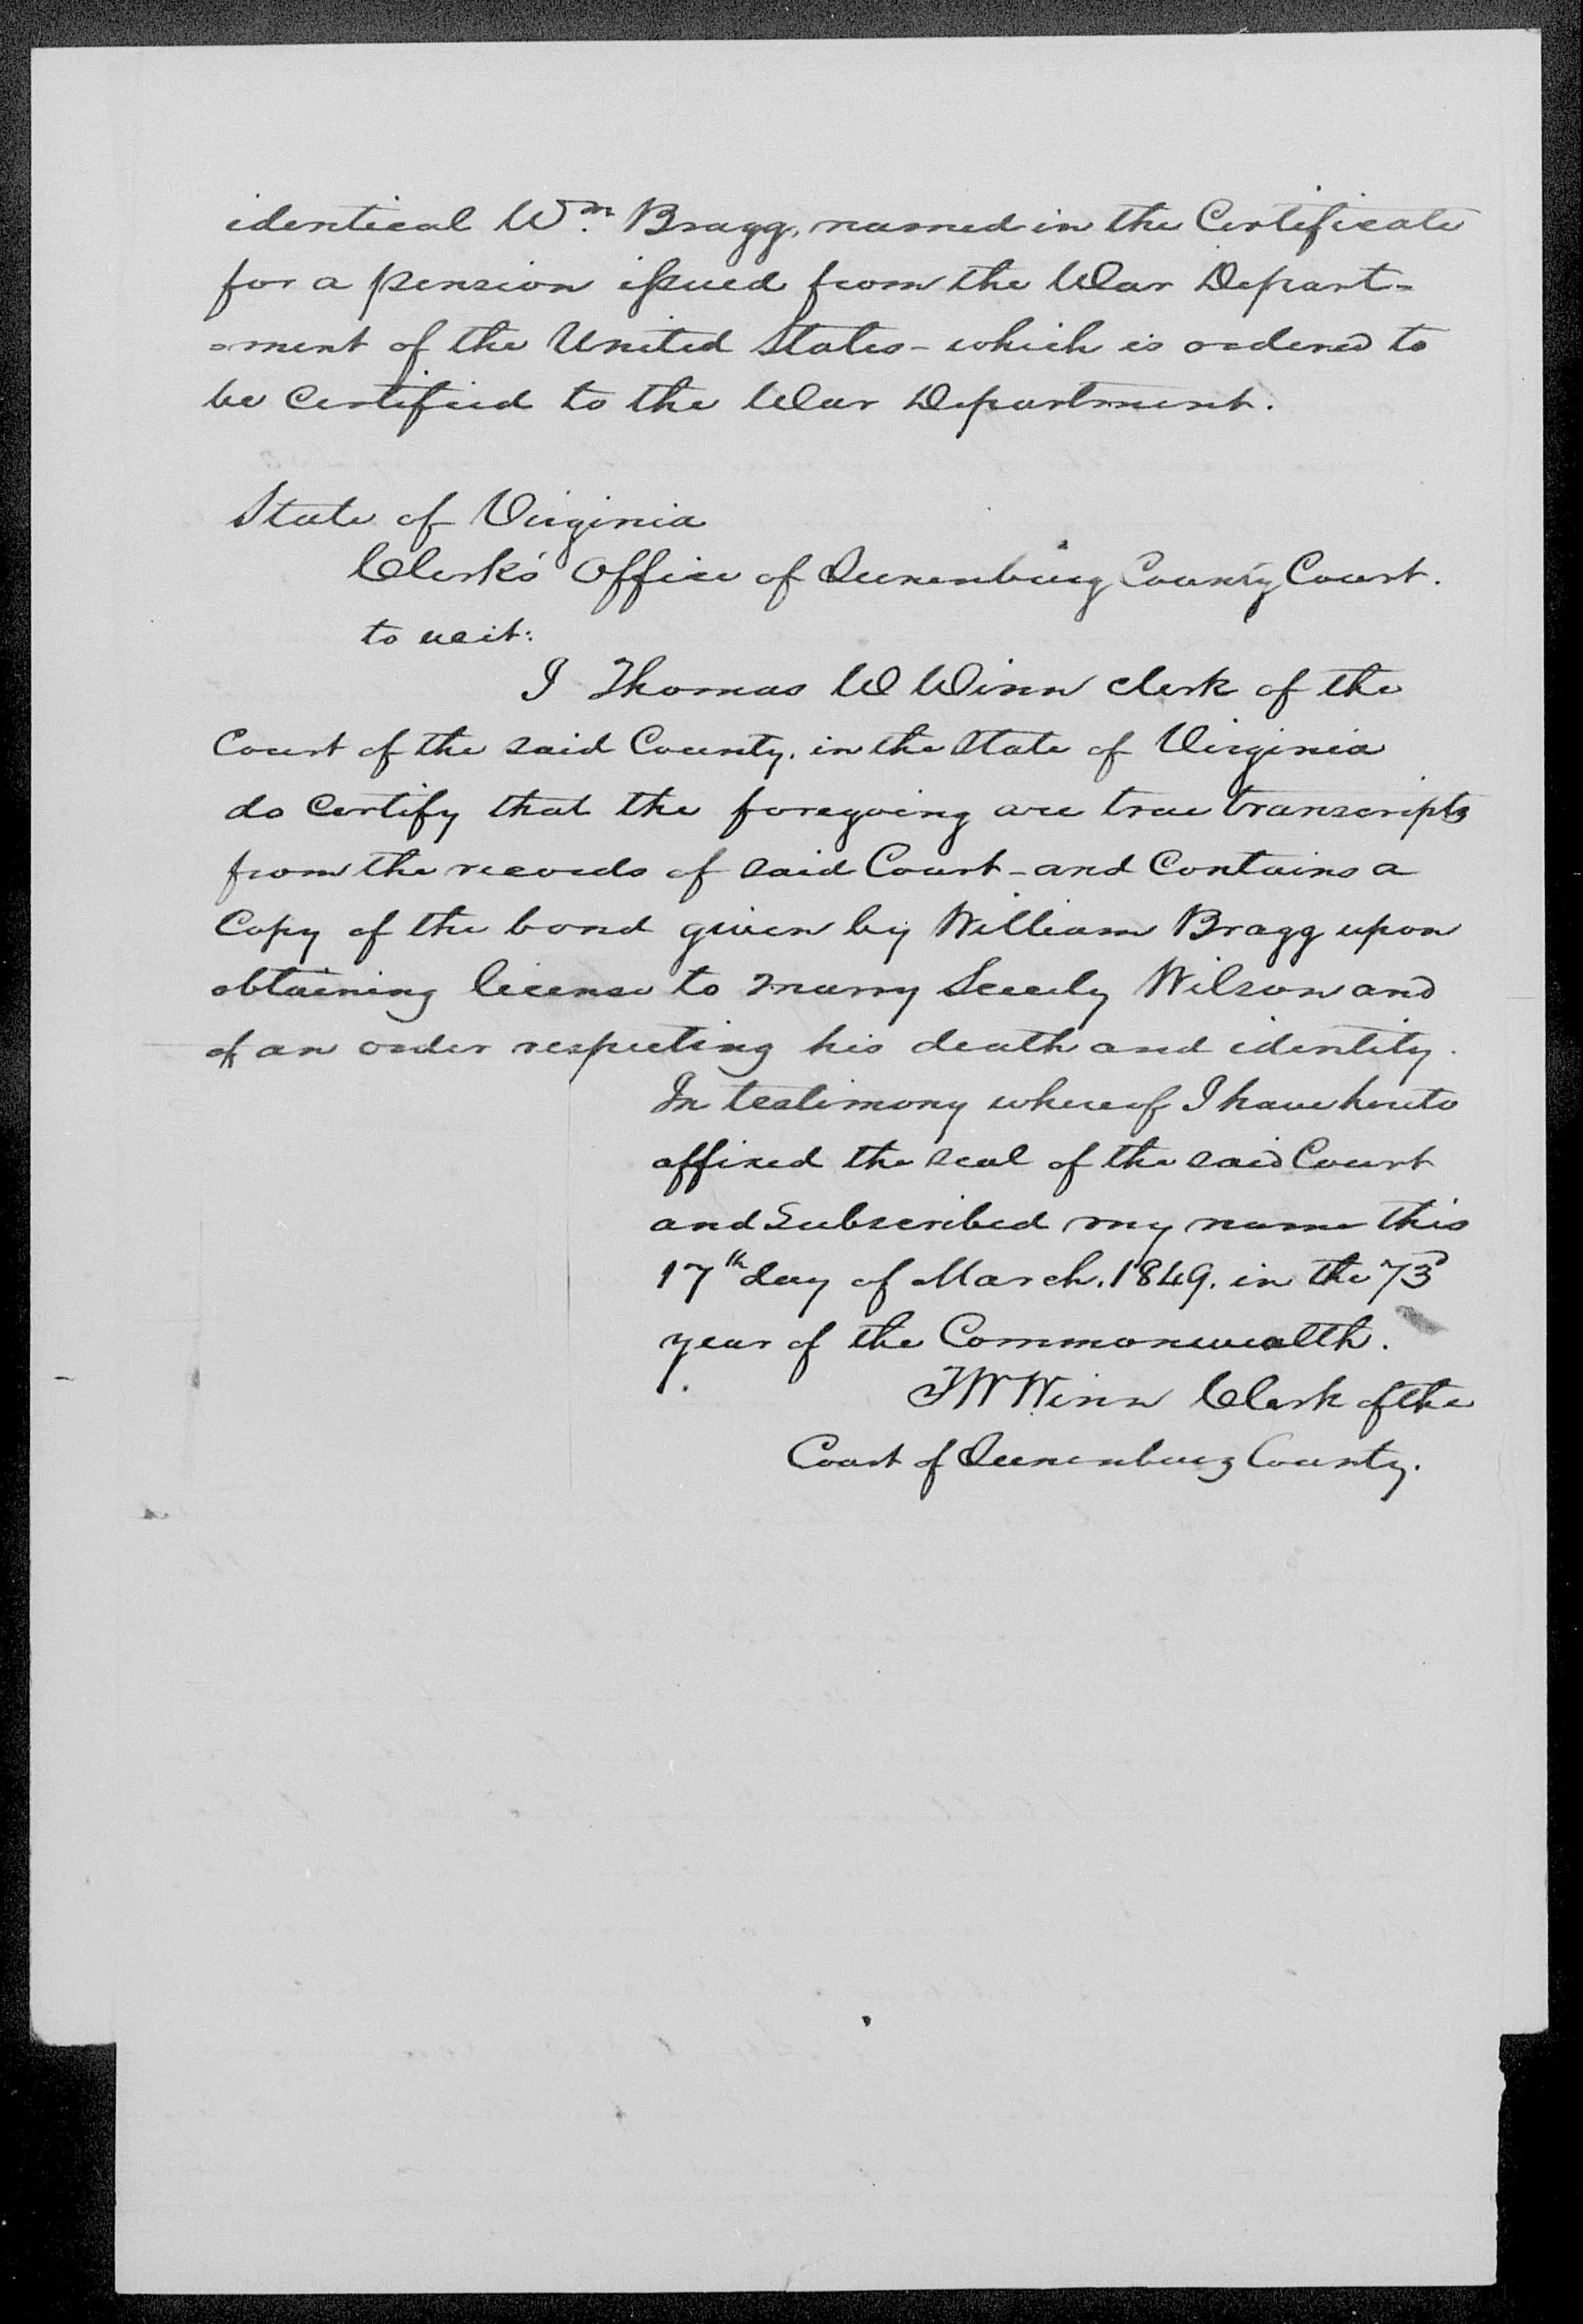identical Wm Bragg, named in the Certificate for a pension issued from the War Department of the United States which is ordered to be certified to the war Department. 

State of Virginia 
Clerk’s Office of Lunenburg County Court to wit: 
I Thomas W Winn Clerk of the Court of the said County, in the State of Virginia do certify that the foregoing are true transcripts from the records of said Court and contains a Copy of the bond given by William Bragg upon obtaining license to Marry Secely [Cecelia] Wilson and of an order respecting his death and identity. 
In testimony whereof I have hereto affixed the seal of the said Court and subscribed my name this 17th day of March, 1849, in the 73d year of the Commonwealth. 
T. W. Winn Clerk of the 
Court of Lunenburg County.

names: William Bragg, Thomas W Winn, Scecely Wilson, T W Winn, Wm Bragg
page: 14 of 19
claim: widow's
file: W. 2517, William Bragg, Va.